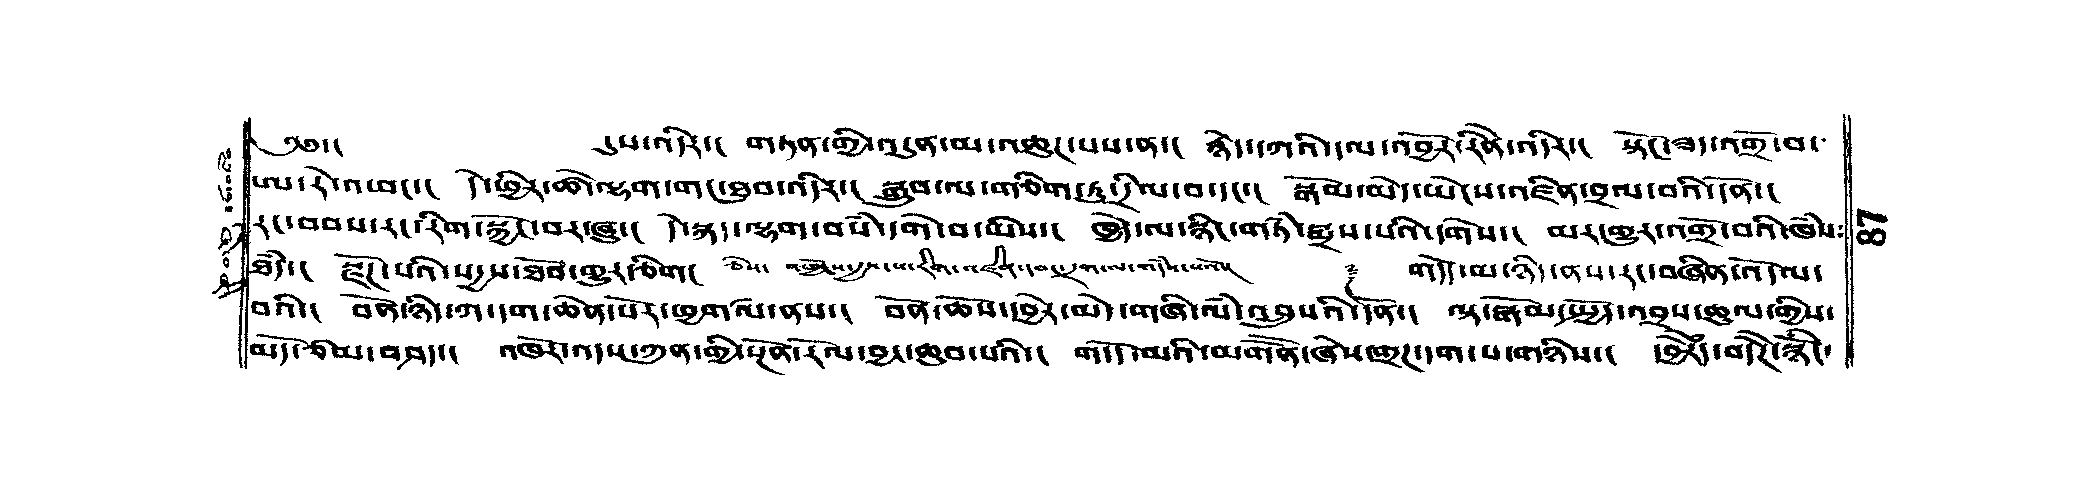དུས་འདིར། །གཏན་གྱི་བདུན་མ་འཆུགས་པས་ན། །རྙེད་དཀའི་དལ་འབྱོར་རིན་ཆེན་འདི། །སྟོང་ཟད་འགྲོ་བ་
ཨ་རེ་ཕངས། །དེ་ཕྱིར་ཚེ་ལྷག་གང་ཐུབ་འདིར། །སྒྲུབ་ལ་གཅིག་ཏུ་དྲིལ་བ་དང་། །སྒོམ་མེད་ཡེངས་འཛིན་བྲལ་བའི་དོན། །
རང་བབས་རང་རིག་སྐྱོང་བར་ཞུ། །དེ་སྐད་ལྷག་བསམ་དགེ་བ་ཡིས། །ཁྱེད་ལ་སྙིང་གཏམ་སྨྲས་པའི་དགེས། །མར་འགྱུར་འགྲོ་བའི་ཁམས་
ཐམས་ཅད། །རྫོགས་པའི་སངས་རྒྱས་ཐོབ་གྱུར་ཅིག།ཅེས་འཕྱོངས་རྒྱས་པ་རིག་འཛིན་དབང་དྲག་ལ་གདམས་པའོ།། ༈ གདོད་མ་ཉིད་ནས་རང་བཞིན་འོད་གསལ་
བའི། །བོན་ཉིད་ཀ་དག་ཆེན་པོར་ཕྱག་འཚལ་ནས། །བོན་ཆོས་དབྱེར་མེད་གཞི་ལམ་འབྲས་བུའི་དོན། །ལྟ་སྒོམ་སྤྱོད་འབྲས་ཚུལ་གྱིས་
མདོ་ཙམ་བཤད། །འཁོར་འདས་ཀུན་གྱི་སྔོན་རོལ་བྱང་ཆུབ་བའི། །གདོད་མའི་མགོན་པོ་ཞེས་གྲགས་དག་པ་གཉིས། །དབྱེར་མེད་བདེ་བཤེགས་སྙིང་པོ་